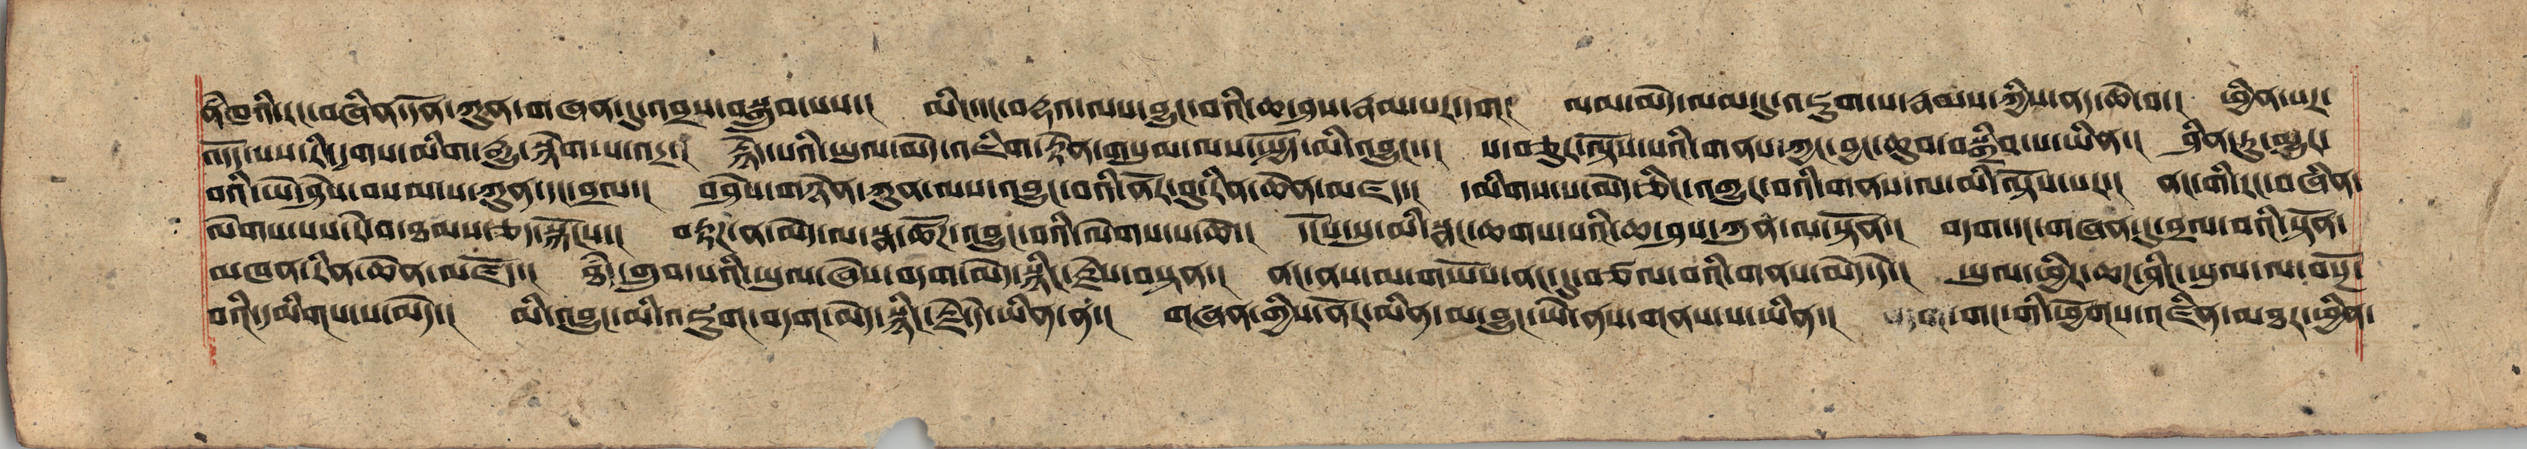ནཾཁའི་རང་བཞིན་དོན་ཀུན་གཞན་དུ་འབྲས་བསྒྲུབ་པས་། མིང་དང་བརྡའ་ལས་བྱུང་བའི་ཆ་ཤས་རྣམ་པར་དག། ལམ་མེད་ལམ་དུ་འཇུག་པ་རྣམས་ཀྱིས་ནད་ཆེ་བ་། ཕྱིན་པར་
འདོད་པས་རི་དྭགས་མིག་རྒྱུ་སྙེག་པ་འདྲ་། རྙེད་པའི་ཡུལ་མེད་འཇིག་རྟེན་གསུམ་ལས་སྤྱོད་མི་འབྱུང་་། ས་བཅུར་ལྟོས་པའི་གནས་ཀྱང་བྱང་ཆུབ་བསྒྲིབ་པ་ཡིན་། ཤིན་ཏུ་མྱུར་
བའི་ཡེ་ཤེས་བསམ་པ་ཀུན་དང་བྲལ་། བཤེས་གཉེན་ཀུན་ལས་འབྱུང་བའི་ནོར་བུ་རིན་ཆེན་མཛད་། དམིགས་པ་མེད་ཅིང་འགྱུར་བའི་གནས་ལ་མི་ལྟོས་པར་། ནང་གི་རང་བཞིན་
ལེགས་པས་རེ་བ་ཐམས་ཅད་སྐོངས་། བརྟཌ་ན་མེད་ལ་སྣ་ཚོཌ་འབྱུང་བའི་ལེགས་པ་ཆེ་། དངོས་སུ་མི་སྣང་ཆགས་པའི་ཆ་ཤས་ཀུན་ལ་སྟོན་། བདག་དང་གཞན་དུ་བྲལ་བའི་སྟོན་
མཁན་རིན་ཆེན་མཛོད་། ཐཾད་གྲུབ་པའི་ཡུལ་ཞེས་བདག་མེད་སྙིང་རྗེས་བསྟན་། ནང་ནས་མ་གཡོས་ནང་དུ་བཙལ་བའི་གནས་མེད་དེ་། ཡུལ་ཕྱིར་ཆཌ་ཤིང་ཡུལ་ལ་བསྔོ་
བའི་དམིགས་པ་མེད་། མི་འབྱུང་མི་འཇུག་བདག་མེད་སྙིང་རྗེ་དེ་ཡིན་ན་། གཞན་གྱིས་ནོར་མིན་མ་བྱུང་ཡེ་ནས་གནས་པ་ཡིན་། བདག་གང་གི་ཕྱོགས་འཛིན་མཐར་ཕྱིན་